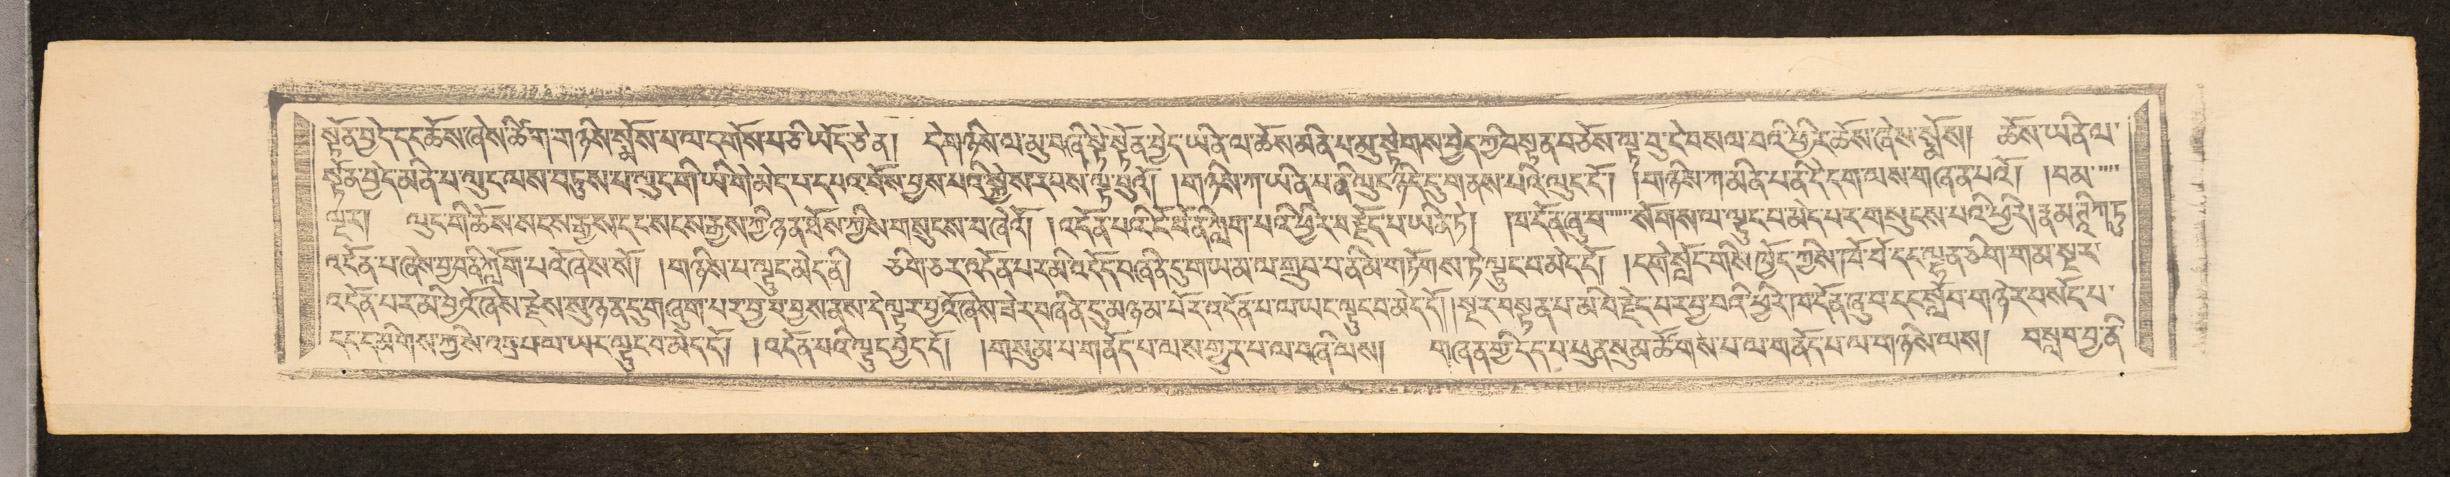སྟོན་བྱེད་དང་ཆོས་ཞེས་ཚིག་གཉིས་སྨོས་པ་ལ་དགོས་པ་ཅི་ཡོད་ཅེ་ན། དེ་གཉིས་ལ་མུ་བཞི་སྟེ་སྟོན་བྱེད་ཡིན་ལ་ཆོས་མིན་པ་མུ་སྟེགས་བྱེད་ཀྱི་བསྟན་བཅོས་ལྟ་བུ་དེ་བསལ་བའི་ཕྱིར་ཆོས་ཞེས་སྨོས། ཆོས་ཡིན་ལ་
སྟོར་བྱེད་མིན་པ་ལུང་ལས་བཏུས་པ་ལུང་གི་ཡི་གེ་མེད་པ་དཔའ་བོས་བྱས་པའི་སྐྱེས་རབས་ལྟ་བུའོ། །གཉིས་ཀ་ཡིན་པ་ནི་ལུང་ཉིད་དུ་གནས་པའི་ལུང་ངོ། །གཉིས་ཀ་མིན་པ་ནི་དེ་དག་ལས་གཞན་པའོ། །བམ་
ལྔར། ལུང་གི་ཆོས་སངས་རྒྱས་དང་སངས་རྒྱས་ཀྱི་ཉན་ཐོས་ཀྱིས་གསུངས་པ་ཞེའོ། །འདོན་པའི་ངོ་བོ་ནི་ཀླག་པའི་ཕྱིར་བརྗོད་པ་ཡིན་ཏེ། ཁ་དོན་ཞུ་བ་སོགས་ལ་ལྟུང་བ་མེད་པར་གསུངས་པའི་ཕྱིར་།རྣམ་ཊཱིཀ་ཏུ་
འདོན་པ་ཞེས་བྱ་བ་ནི་ཀློག་པའོ་ཞེས་སོ། །གཉིས་པ་ལྟུང་མེད་ནི། ཅིག་ཅར་འདོན་པར་མི་འདོད་བཞིན་དུ་གཡམ་ལ་གྲུབ་པ་ནི་མ་གཏོགས་ཏེ་ལྟུང་བ་མེད་དོ། །དགེ་སློང་གིས་ཁྱོད་ཀྱིས་ཁོ་བོ་དང་ལྷན་ཅིག་གམ་སྔར་
འདོན་པར་མི་བྱའོ་ཞེས་རྗེས་སུ་ཉན་དུ་གཞུག་པར་བྱ་བ་བྱས་ནས་དེ་ལྟར་བྱའོ་ཞེས་ཟེར་བཞིན་དུ་མཉམ་པོར་འདོན་པ་ལ་ཡང་ལྟུང་བ་མེད་དོ། །སྔར་བསྟན་པ་མི་བརྗེད་པར་བྱ་བའི་ཕྱིར་ཁ་དོན་དུ་ཞུ་བ་དང་སློབ་གཉེར་བསོད་པ་
དང་དམིགས་ཀྱིས་འདྲི་བ་ལ་ཡང་ལྟུང་བ་མེད་དོ། །འདོན་པའི་ལྟུང་བྱེད་དོ། །གསུམ་པ་གནོད་པ་ལས་གྱུར་པ་ལ་བཞི་ལས། གཞན་གྱི་དད་པ་ཕུན་སུམ་ཚོགས་པ་ལ་གནོད་པ་ལ་གཉིས་ལས། བསླབ་བྱ་ནི་